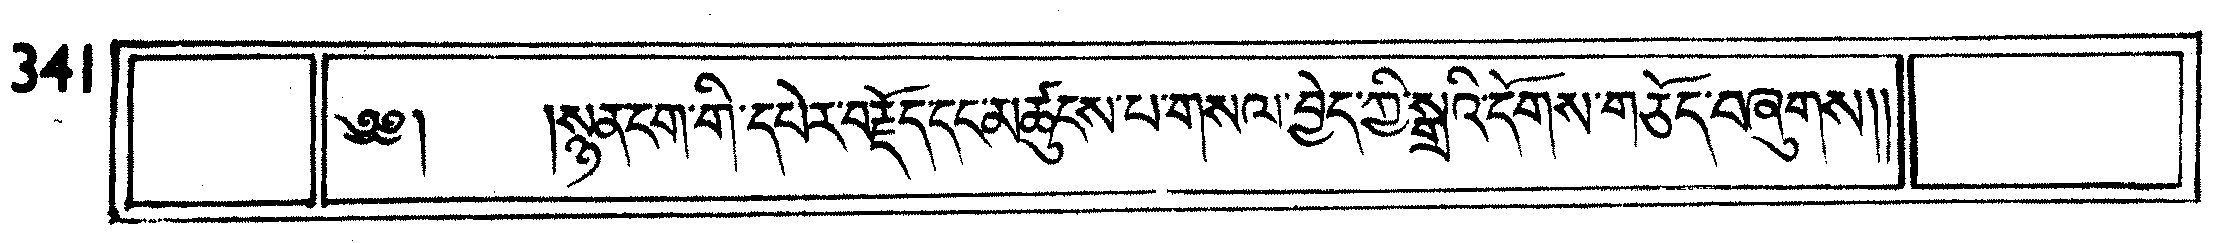༄༅། །སྙན་ངག་གི་དཔེར་བརྗོད་དང་མཚུངས་པ་གསལ་བྱེད་ཀྱི་སྒྲའི་དོགས་གཅོད་བཞུགས།།